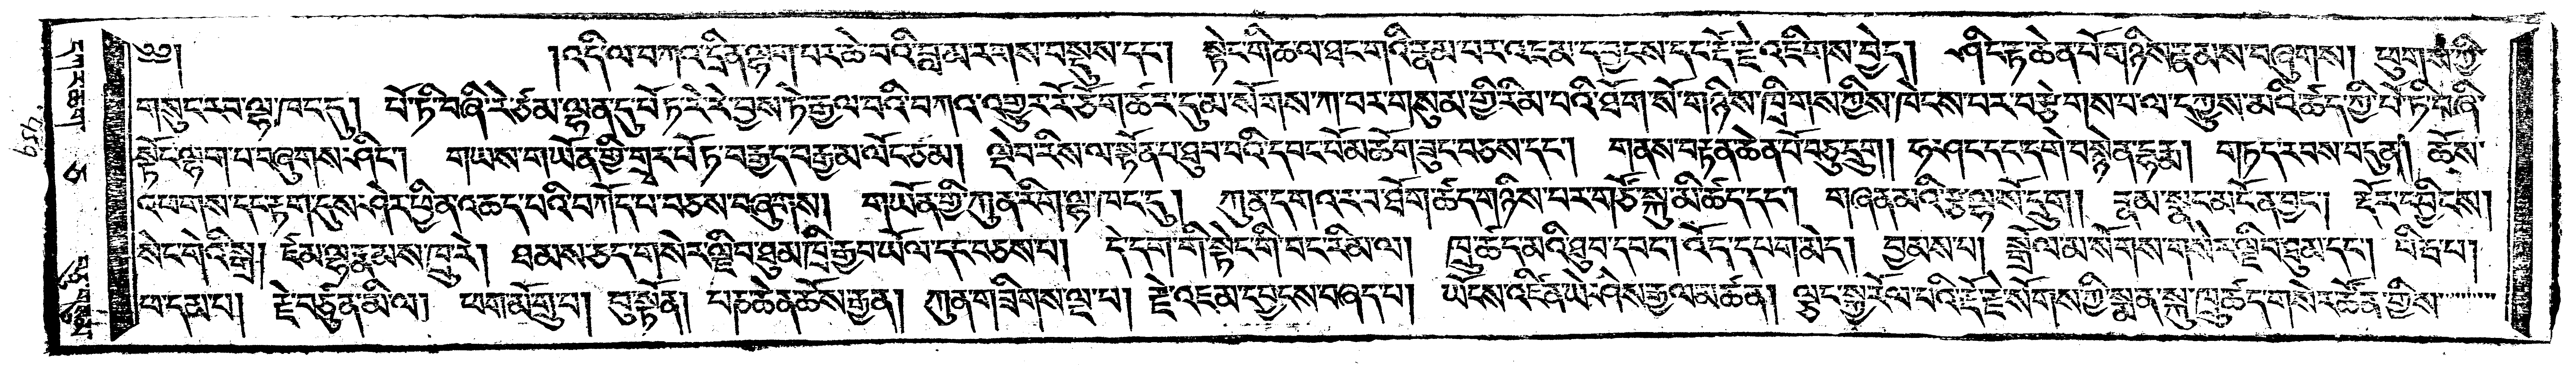༄༅། །འདི་ལ་བཀའ་དྲིན་ལྷག་བར་ཆེ་བའི་བླ་མ་རགས་བསྡུས་དང་། སྟེང་གི་ཆ་ལ་ཐང་གའི་རྣམ་པར་འཇམ་དབྱངས་དང་རྡོ་རྗེ་འཇིགས་བྱེད། ཤིང་རྟ་ཆེན་པོ་གཉིས་རྣམས་བཞུགས། ཕུགས་ཀྱི་
གསུང་རབ་ལྷ་ཁང་དུ། བོ་ཏི་བཞི་རེ་ཙམ་ལྷན་དུ་པོཏ་རེ་རེ་བྱས་ཏེ་རྒྱལ་བའི་བཀའ་འགྱུར་རོ་ཅོག་ཚར་དུ་མ་སོགས་ཀ་བར་གསུམ་གྱི་རིམ་བའི་ཐོག་སོ་གཉིས་ཁྲིགས་ཀྱི་ཁེངས་པར་བརྩེགས་པ་ལ་དཀྱུས་མའི་ཚད་ཀྱི་པོ་ཏི་བཞི་
སྟོང་ལྷག་པ་བཞུགས་ཤིང་། གཡས་གཡོན་གྱི་གྲྭར་པོ་ཏ་བརྒྱད་བརྒྱ་མ་ལོང་ཙམ། ལྡེབ་རིས་ལ་སྟོན་པ་ཐུབ་པའི་དབང་པོ་མཆོག་ཟུང་བཅས་དང་། གནས་བརྟན་ཆེན་པོ་བཅུ་དྲུག། ཧ་ཤང་དང་དགེ་བསྙེན་དྷརྨ། གཏད་རབས་བདུན། ཆོས་
འཕགས་དང་རྟག་དུས་ཤེར་ཕྱིན་འཆད་བའི་བཀོད་པ་བཅས་བཞུགས། གཡོན་གྱི་ཀུན་རིག་ལྷ་ཁང་དུ། ཀུན་དགའ་རབ་ཐོག་ཚད་གཉིས་པར་གཙོ་སྐུ་མི་ཚད་དང་། གཞན་མའི་རྩ་ལྷ་སོ་དྲུག། རྣམ་སྣང་མངོན་བྱང་། རྡོར་དབྱིངས།
སེང་གེའི་སྒྲ། ཛམ་ལྷ་རྣམས་ཁྲུ་རེ། ཐམས་ཅད་གསེར་ལྗིབ་ཐུམ་ཁྲི་རྒྱབ་ཡོལ་དང་བཅས་པ། དེ་དག་གི་སྟེང་གི་བང་རིམ་ལ། ཁྲུ་ཚད་མའི་ཐུབ་དབང་། འོད་དཔག་མེད། བྱམས་པ། སྒྲོལ་མ་སོགས་གསེར་ལྗིབ་ཐུམ་དང་། བིརྦ་པ།
ཕ་དམ་པ། རྗེ་བཙུན་མི་ལ། ཕག་མོ་གྲུབ། བུ་སྟོན། པཎ་ཆེན་ཆོས་རྒྱན། ཀུན་གཟིགས་ལྔ་པ། རྗེ་འཇམ་དབྱངས་བཞད་པ། ཡོངས་འཛིན་ཡེ་ཤེས་རྒྱལ་མཚན། ལྕང་སྐྱ་རོལ་བའི་རྡོ་རྗེ་སོགས་ཀྱི་སྨན་སྐུ་ཁྲུ་ཚད་གསེར་ཚོན་གྱིས་